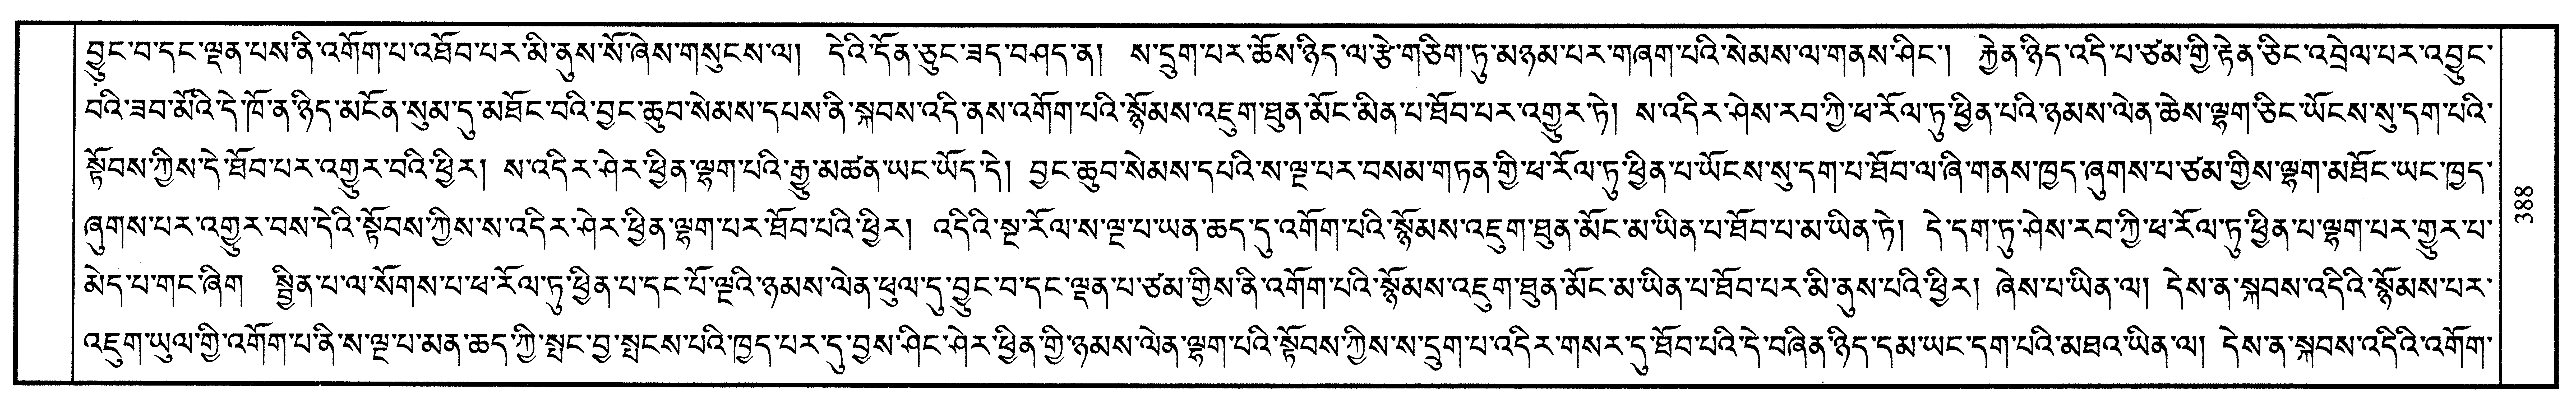བྱུང་བ་དང་ལྡན་པས་ནི་འགོག་པ་འཐོབ་པར་མི་ནུས་སོ་ཞེས་གསུངས་ལ། དེའི་དོན་ཅུང་ཟད་བཤད་ན། ས་དྲུག་པར་ཆོས་ཉིད་ལ་རྩེ་གཅིག་ཏུ་མཉམ་པར་གཞག་པའི་སེམས་ལ་གནས་ཤིང་། རྐྱེན་ཉིད་འདི་པ་ཙམ་གྱི་རྟེན་ཅིང་འབྲེལ་པར་འབྱུང་
བའི་ཟབ་མོའི་དེ་ཁོ་ན་ཉིད་མངོན་སུམ་དུ་མཐོང་བའི་བྱང་ཆུབ་སེམས་དཔས་ནི་སྐབས་འདི་ནས་འགོག་པའི་སྙོམས་འཇུག་ཐུན་མོང་མིན་པ་ཐོབ་པར་འགྱུར་ཏེ། ས་འདིར་ཤེས་རབ་ཀྱི་ཕ་རོལ་ཏུ་ཕྱིན་པའི་ཉམས་ལེན་ཆེས་ལྷག་ཅིང་ཡོངས་སུ་དག་པའི་
སྟོབས་ཀྱིས་དེ་ཐོབ་པར་འགྱུར་བའི་ཕྱིར། ས་འདིར་ཤེར་ཕྱིན་ལྷག་པའི་རྒྱུ་མཚན་ཡང་ཡོད་དེ། བྱང་ཆུབ་སེམས་དཔའི་ས་ལྔ་པར་བསམ་གཏན་གྱི་ཕ་རོལ་ཏུ་ཕྱིན་པ་ཡོངས་སུ་དག་པ་ཐོབ་ལ་ཞི་གནས་ཁྱད་ཞུགས་པ་ཙམ་གྱིས་ལྷག་མཐོང་ཡང་ཁྱད་
ཞུགས་པར་འགྱུར་བས་དེའི་སྟོབས་ཀྱིས་ས་འདིར་ཤེར་ཕྱིན་ལྷག་པར་ཐོབ་པའི་ཕྱིར། འདིའི་སྔ་རོལ་ས་ལྔ་པ་ཡན་ཆད་དུ་འགོག་པའི་སྙོམས་འཇུག་ཐུན་མོང་མ་ཡིན་པ་ཐོབ་པ་མ་ཡིན་ཏེ། དེ་དག་ཏུ་ཤེས་རབ་ཀྱི་ཕ་རོལ་ཏུ་ཕྱིན་པ་ལྷག་པར་གྱུར་པ་
མེད་པ་གང་ཞིག། སྦྱིན་པ་ལ་སོགས་པ་ཕ་རོལ་ཏུ་ཕྱིན་པ་དང་པོ་ལྔའི་ཉམས་ལེན་ཕུལ་དུ་བྱུང་བ་དང་ལྡན་པ་ཙམ་གྱིས་ནི་འགོག་པའི་སྙོམས་འཇུག་ཐུན་མོང་མ་ཡིན་པ་ཐོབ་པར་མི་ནུས་པའི་ཕྱིར། ཞེས་པ་ཡིན་ལ། དེས་ན་སྐབས་འདིའི་སྙོམས་པར་
འཇུག་ཡུལ་གྱི་འགོག་པ་ནི་ས་ལྔ་པ་མན་ཆད་ཀྱི་སྤང་བྱ་སྤངས་པའི་ཁྱད་པར་དུ་བྱས་ཤིང་ཤེར་ཕྱིན་གྱི་ཉམས་ལེན་ལྷག་པའི་སྟོབས་ཀྱིས་ས་དྲུག་པ་འདིར་གསར་དུ་ཐོབ་པའི་དེ་བཞིན་ཉིད་དམ་ཡང་དག་པའི་མཐའ་ཡིན་ལ། དེས་ན་སྐབས་འདིའི་འགོག་